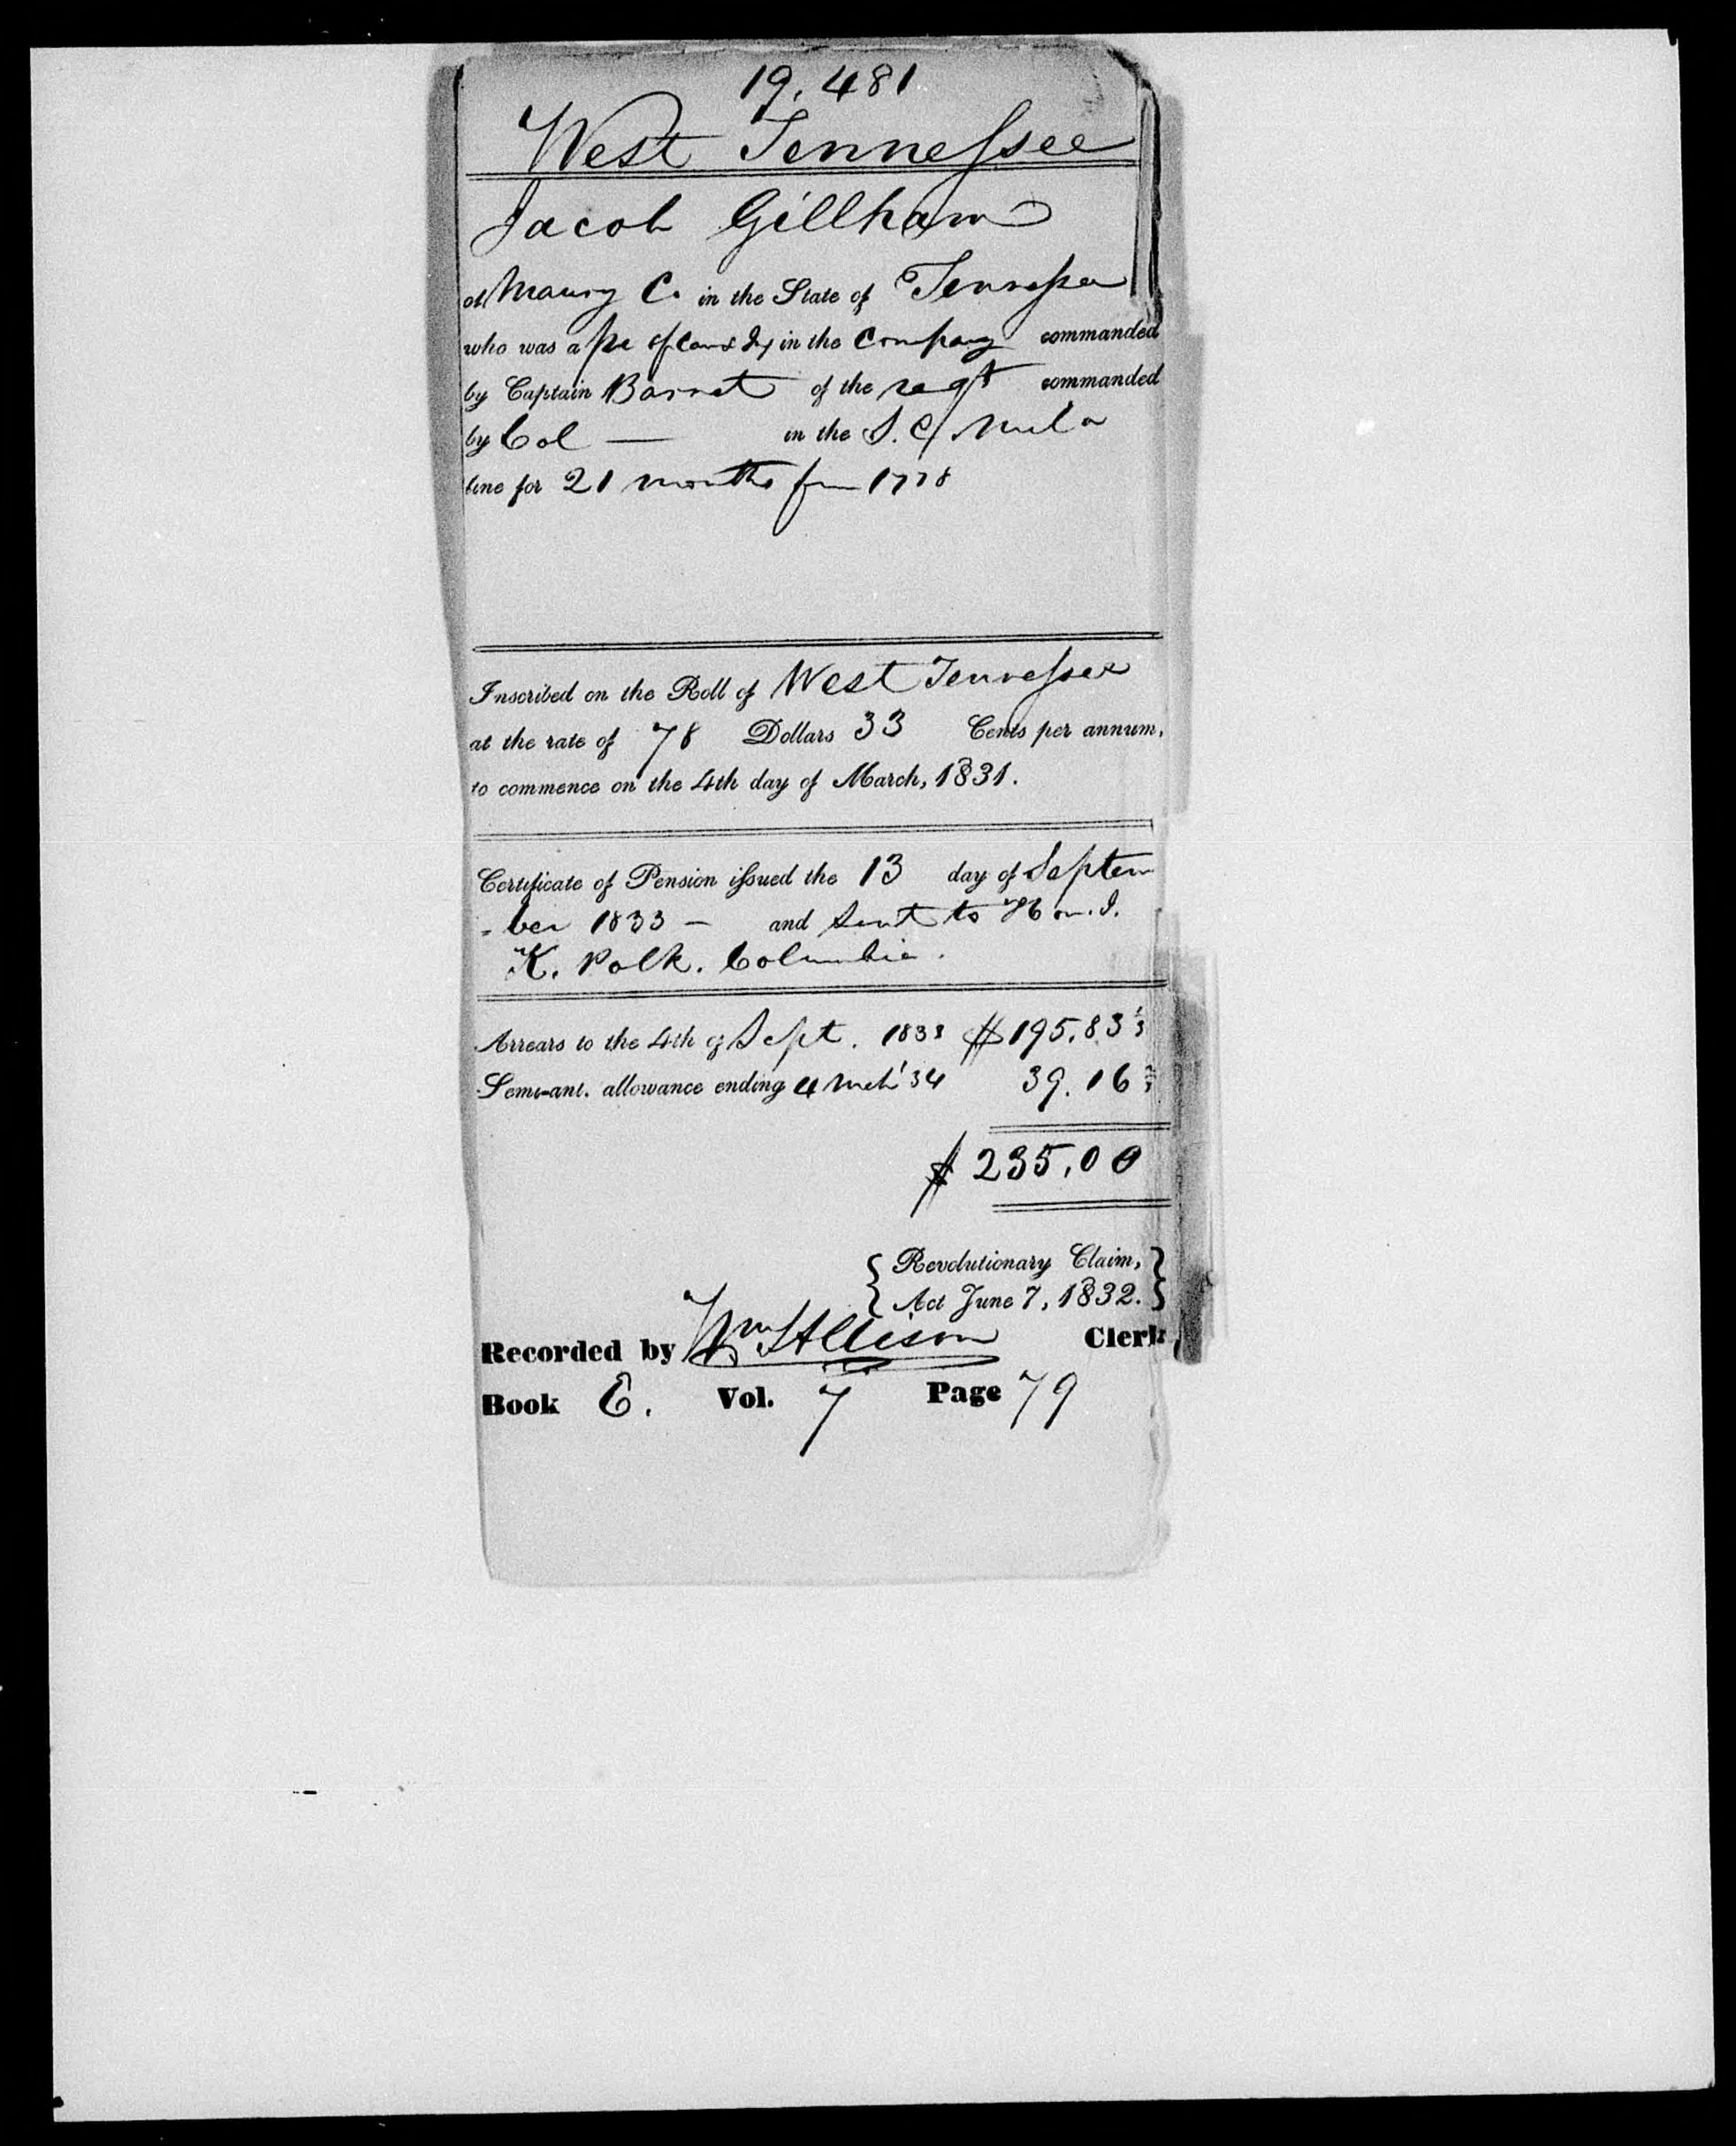19481
West Tennessee
Jacob Gillham
of Maury Co in the State of Tennessee who was a pr of cavalry in the company commanded by Captain Barret of the regt commanded by Col in the SC mila line for 21 months from 1778
Inscribed on the Roll of West Tennessee at the rate of 78 Dollars 33 Cents per annum to commence on the 4th day of March 1831
Certificate of Pension issued the 13 day of September 1833 and sent to Hon JK Polk Columbia
Arrears to the 4th of Sept 1833 $195.83 1/3
Semi-anl allowance ending 4 Mch 34  39.16 2/3
$235.00
{Revolutionary Claim Act June 7 1832}
Recorded by Wm Allison clerk
Book E Vol 7 Page 79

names: Wm T Allison, Jacob Gillham, J K Polk, Barret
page: 2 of 17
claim: survivor's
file: S 3397, Jacob Gillham, S.C.